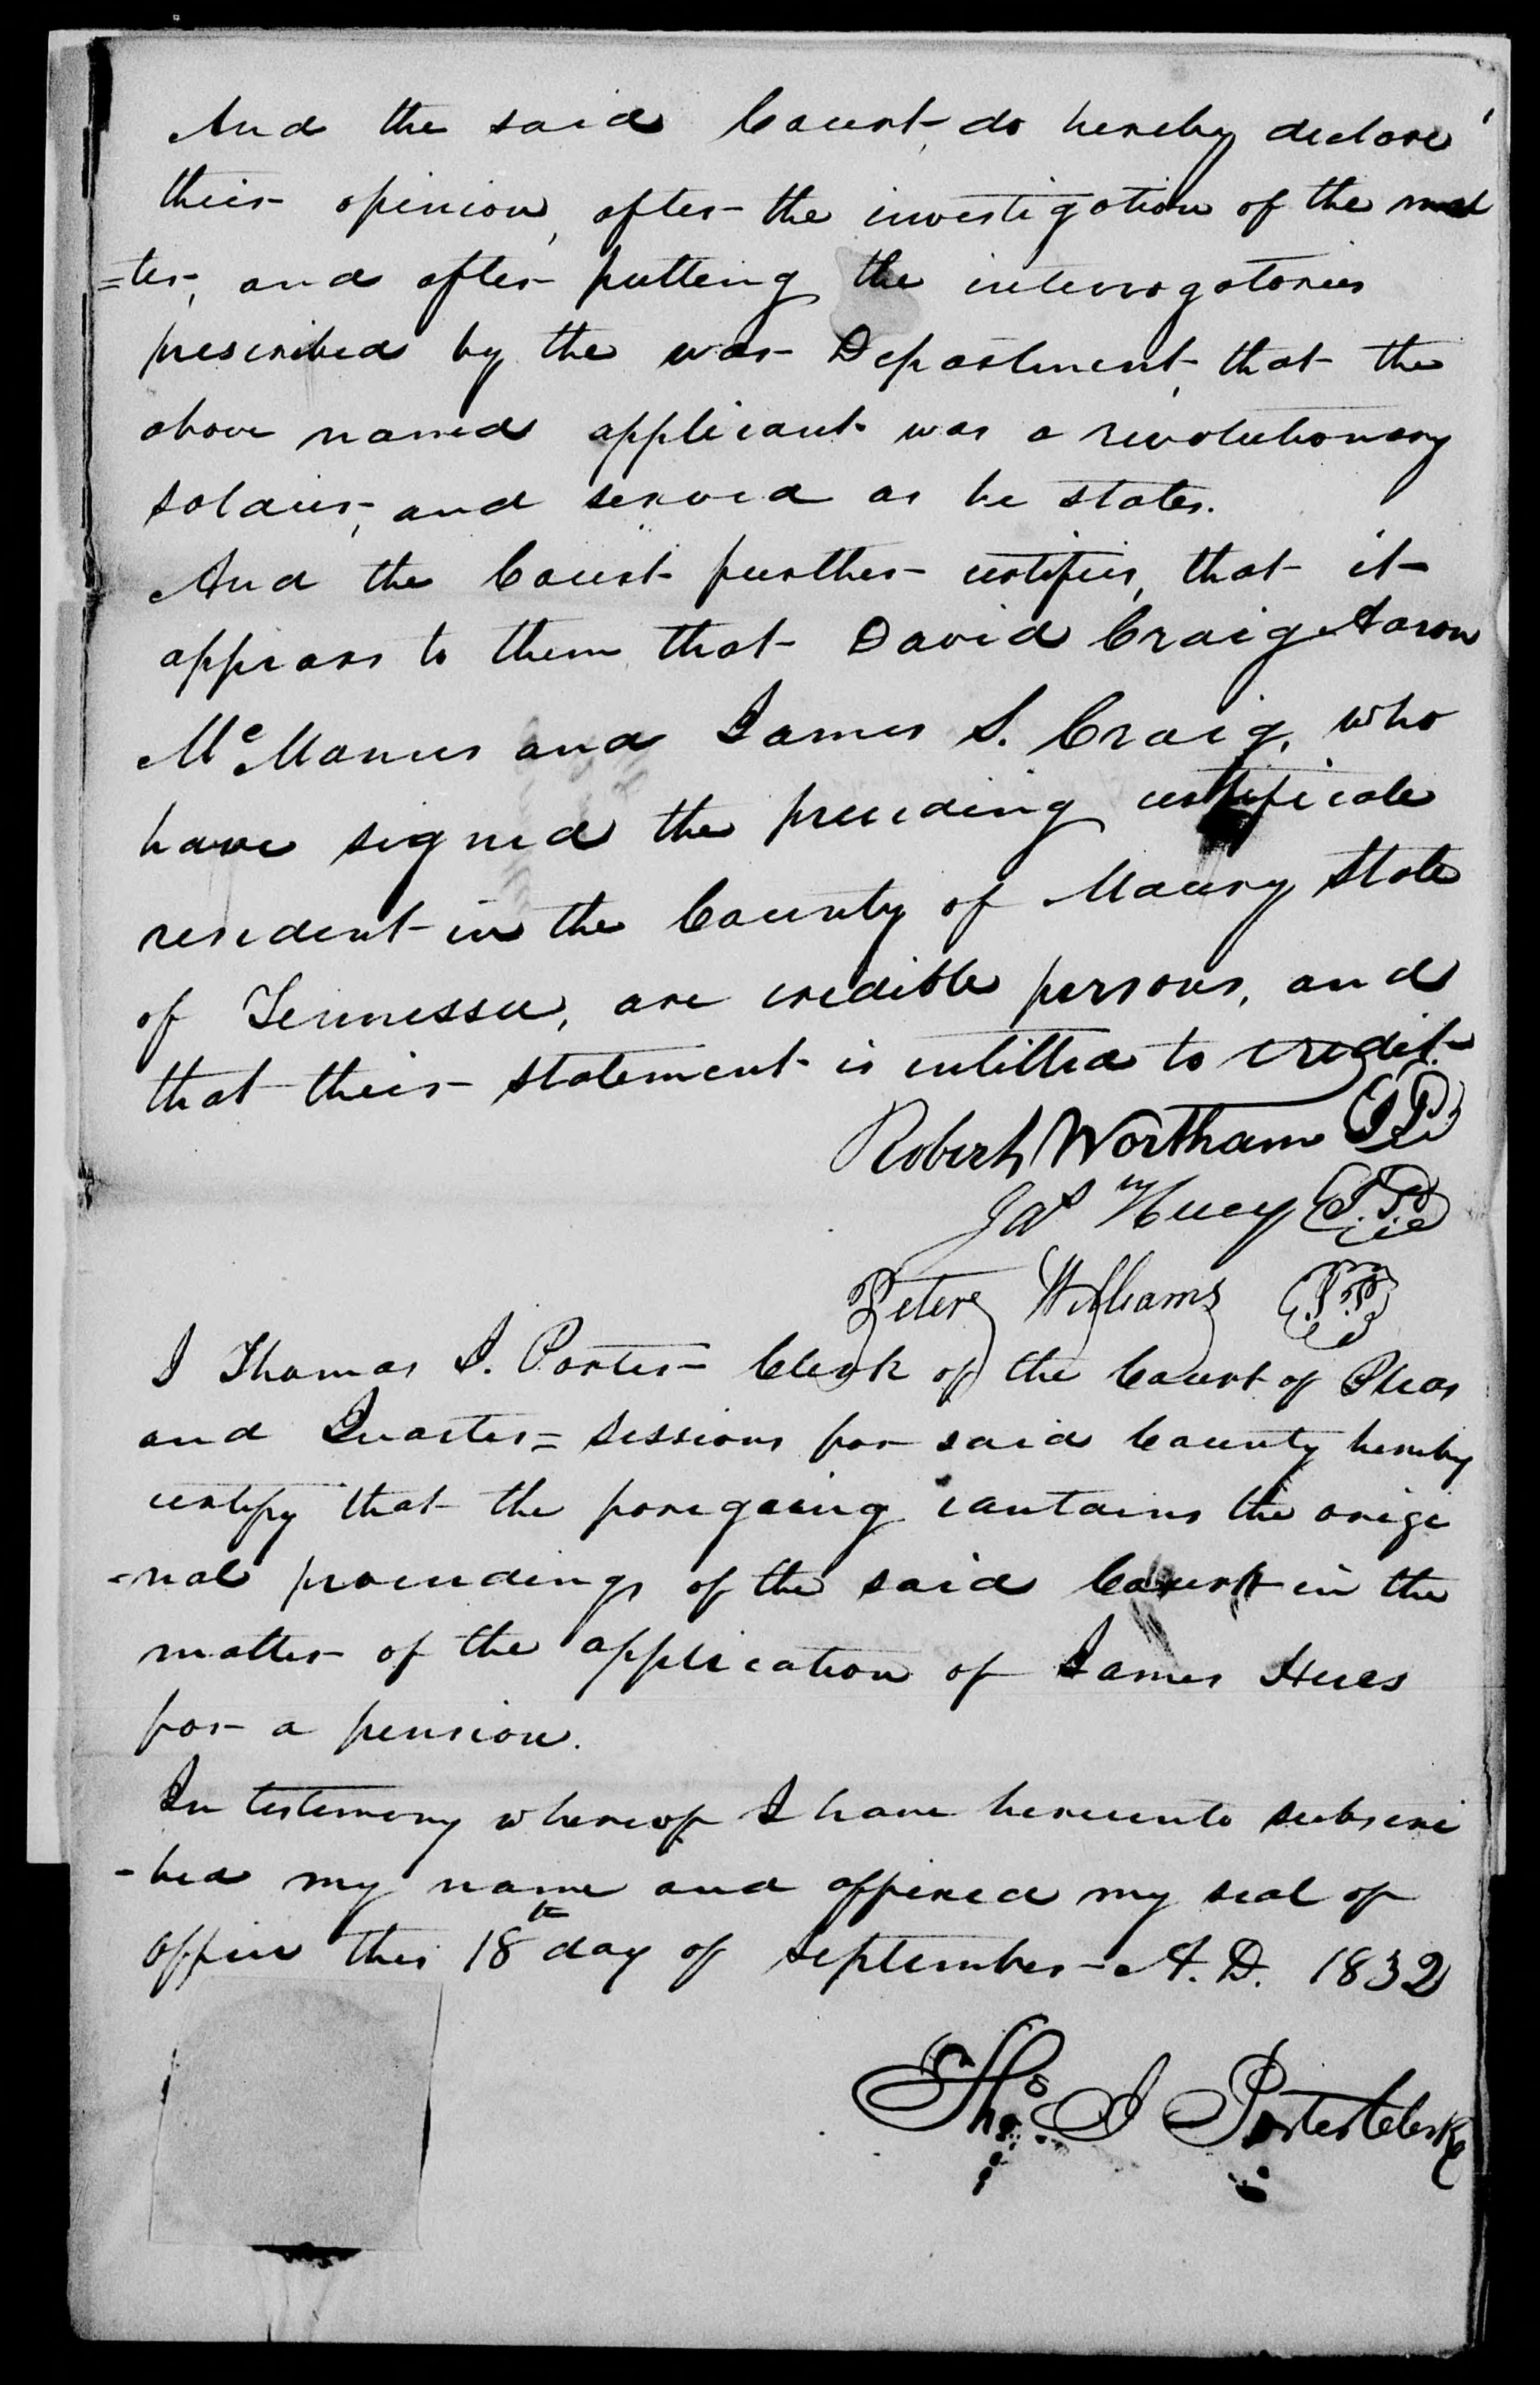And the said Court do hereby declare their opinion, after the investigation of the matter and after putting the interrogatives prescribed by the War Department that the above named applicant was a revolutionary soldier and served as he states. And the Court further certifies that it appears to them that David Craig, Aaron McManus and James S. Craig, who have signed the preceding certificate resident in the County of Maury State of Tennessee, are credible persons, and that their statement is entitled to credit.

(signature) Robert Wortham, JP
(signature) Jas. Huey, JP
(signature) Peter Williams, JP

I Thomas Porter Clerk of the Court of Pleas and Quarter-sessions for said County hereby certify that the foregoing contains the original proceedings of the said Court in the matter of the application of James Hues for a pension. In testimony whereof I have hereunto subscribed my name and affixed my seal of office this 18th day of September AD 1832

Thos. J. Porter, Clerk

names: James S Craig, Jas Huey, Robert Wortham, David Craig, Thomas J Porter, Aaron Mc Manus, James Hues, Peter Williams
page: 21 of 24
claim: rejected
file: R. 5342, James Hues, N.C.